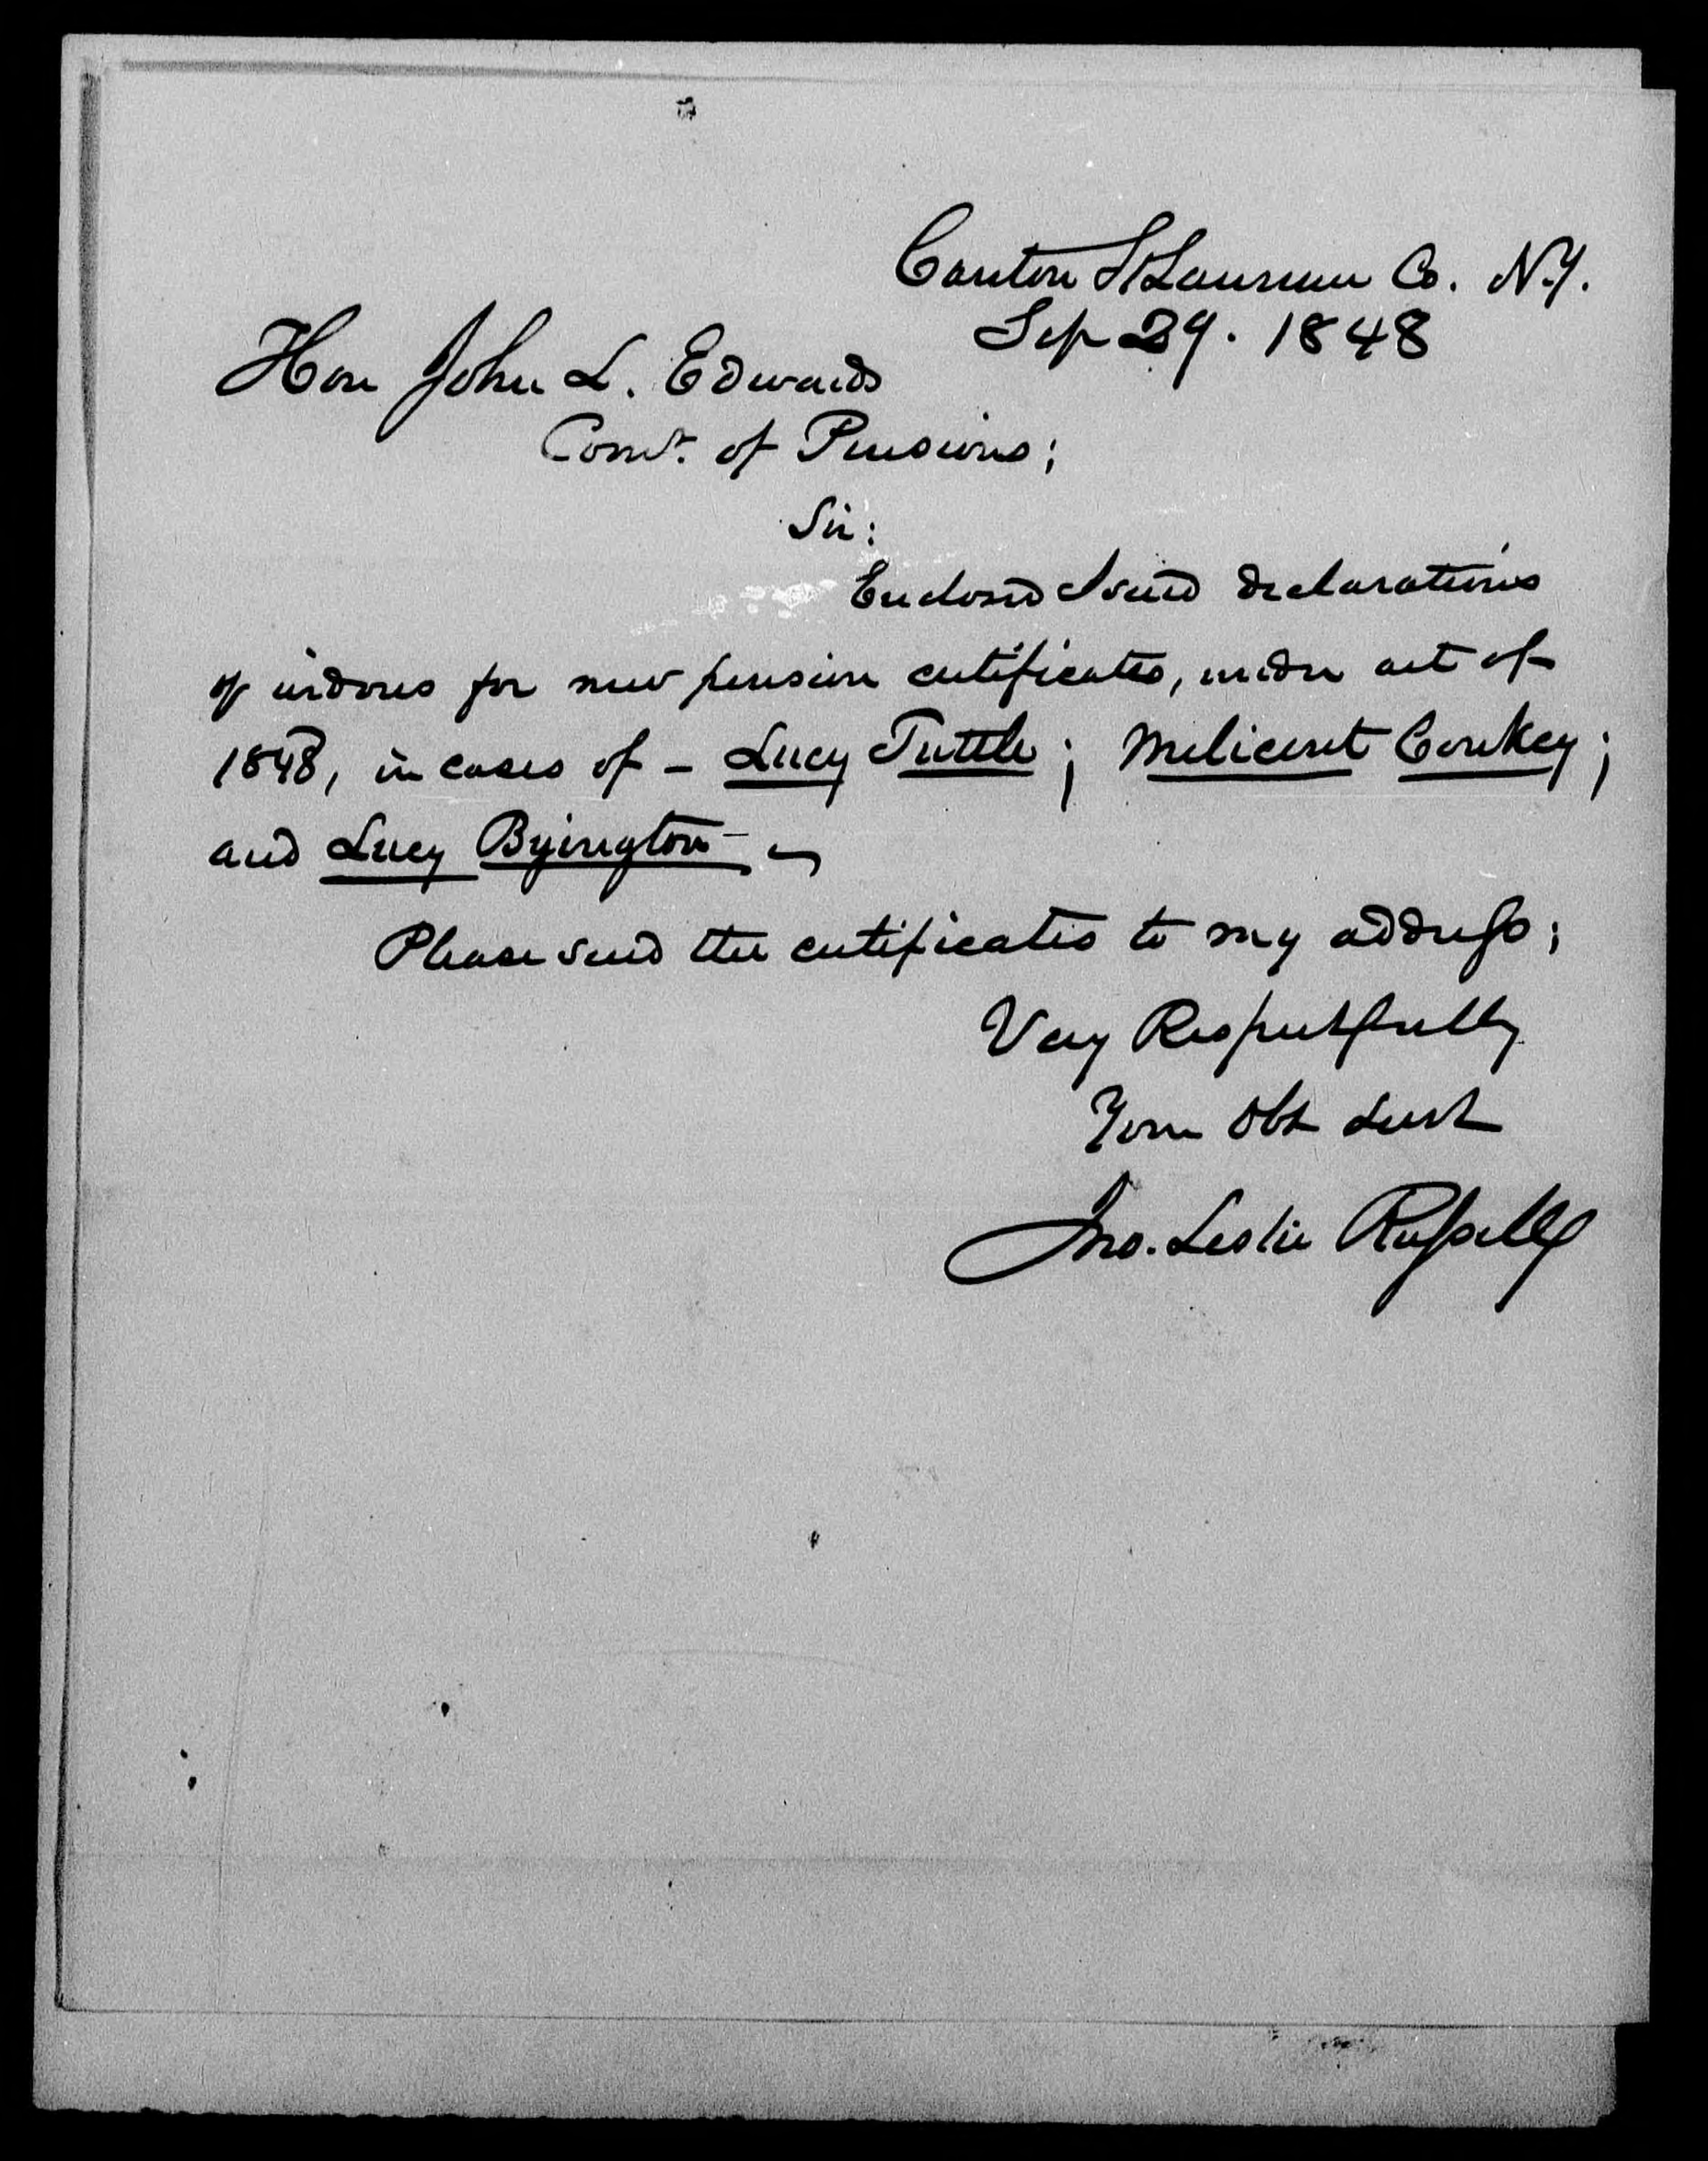Canton St. Lawrence Co. N.Y

Hon. John L. Edwards
Com of Pensions:
Sir: 
Enclosed I said declarations of widow for new pension certificates, under act of 1848, in cases of - Lucy Tuttle; Milicent Corkey; ad Lucy Byington -

Please send the certificates to my address;
Very Respectfully
You Obt Servt
Jno. Leslie Rudolf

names: Lucy Byington, John L Edwards, Lucy Tuttle, Jno Leslie Russell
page: 35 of 79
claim: widow's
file: W. 23754, Justus Byington, Conn.